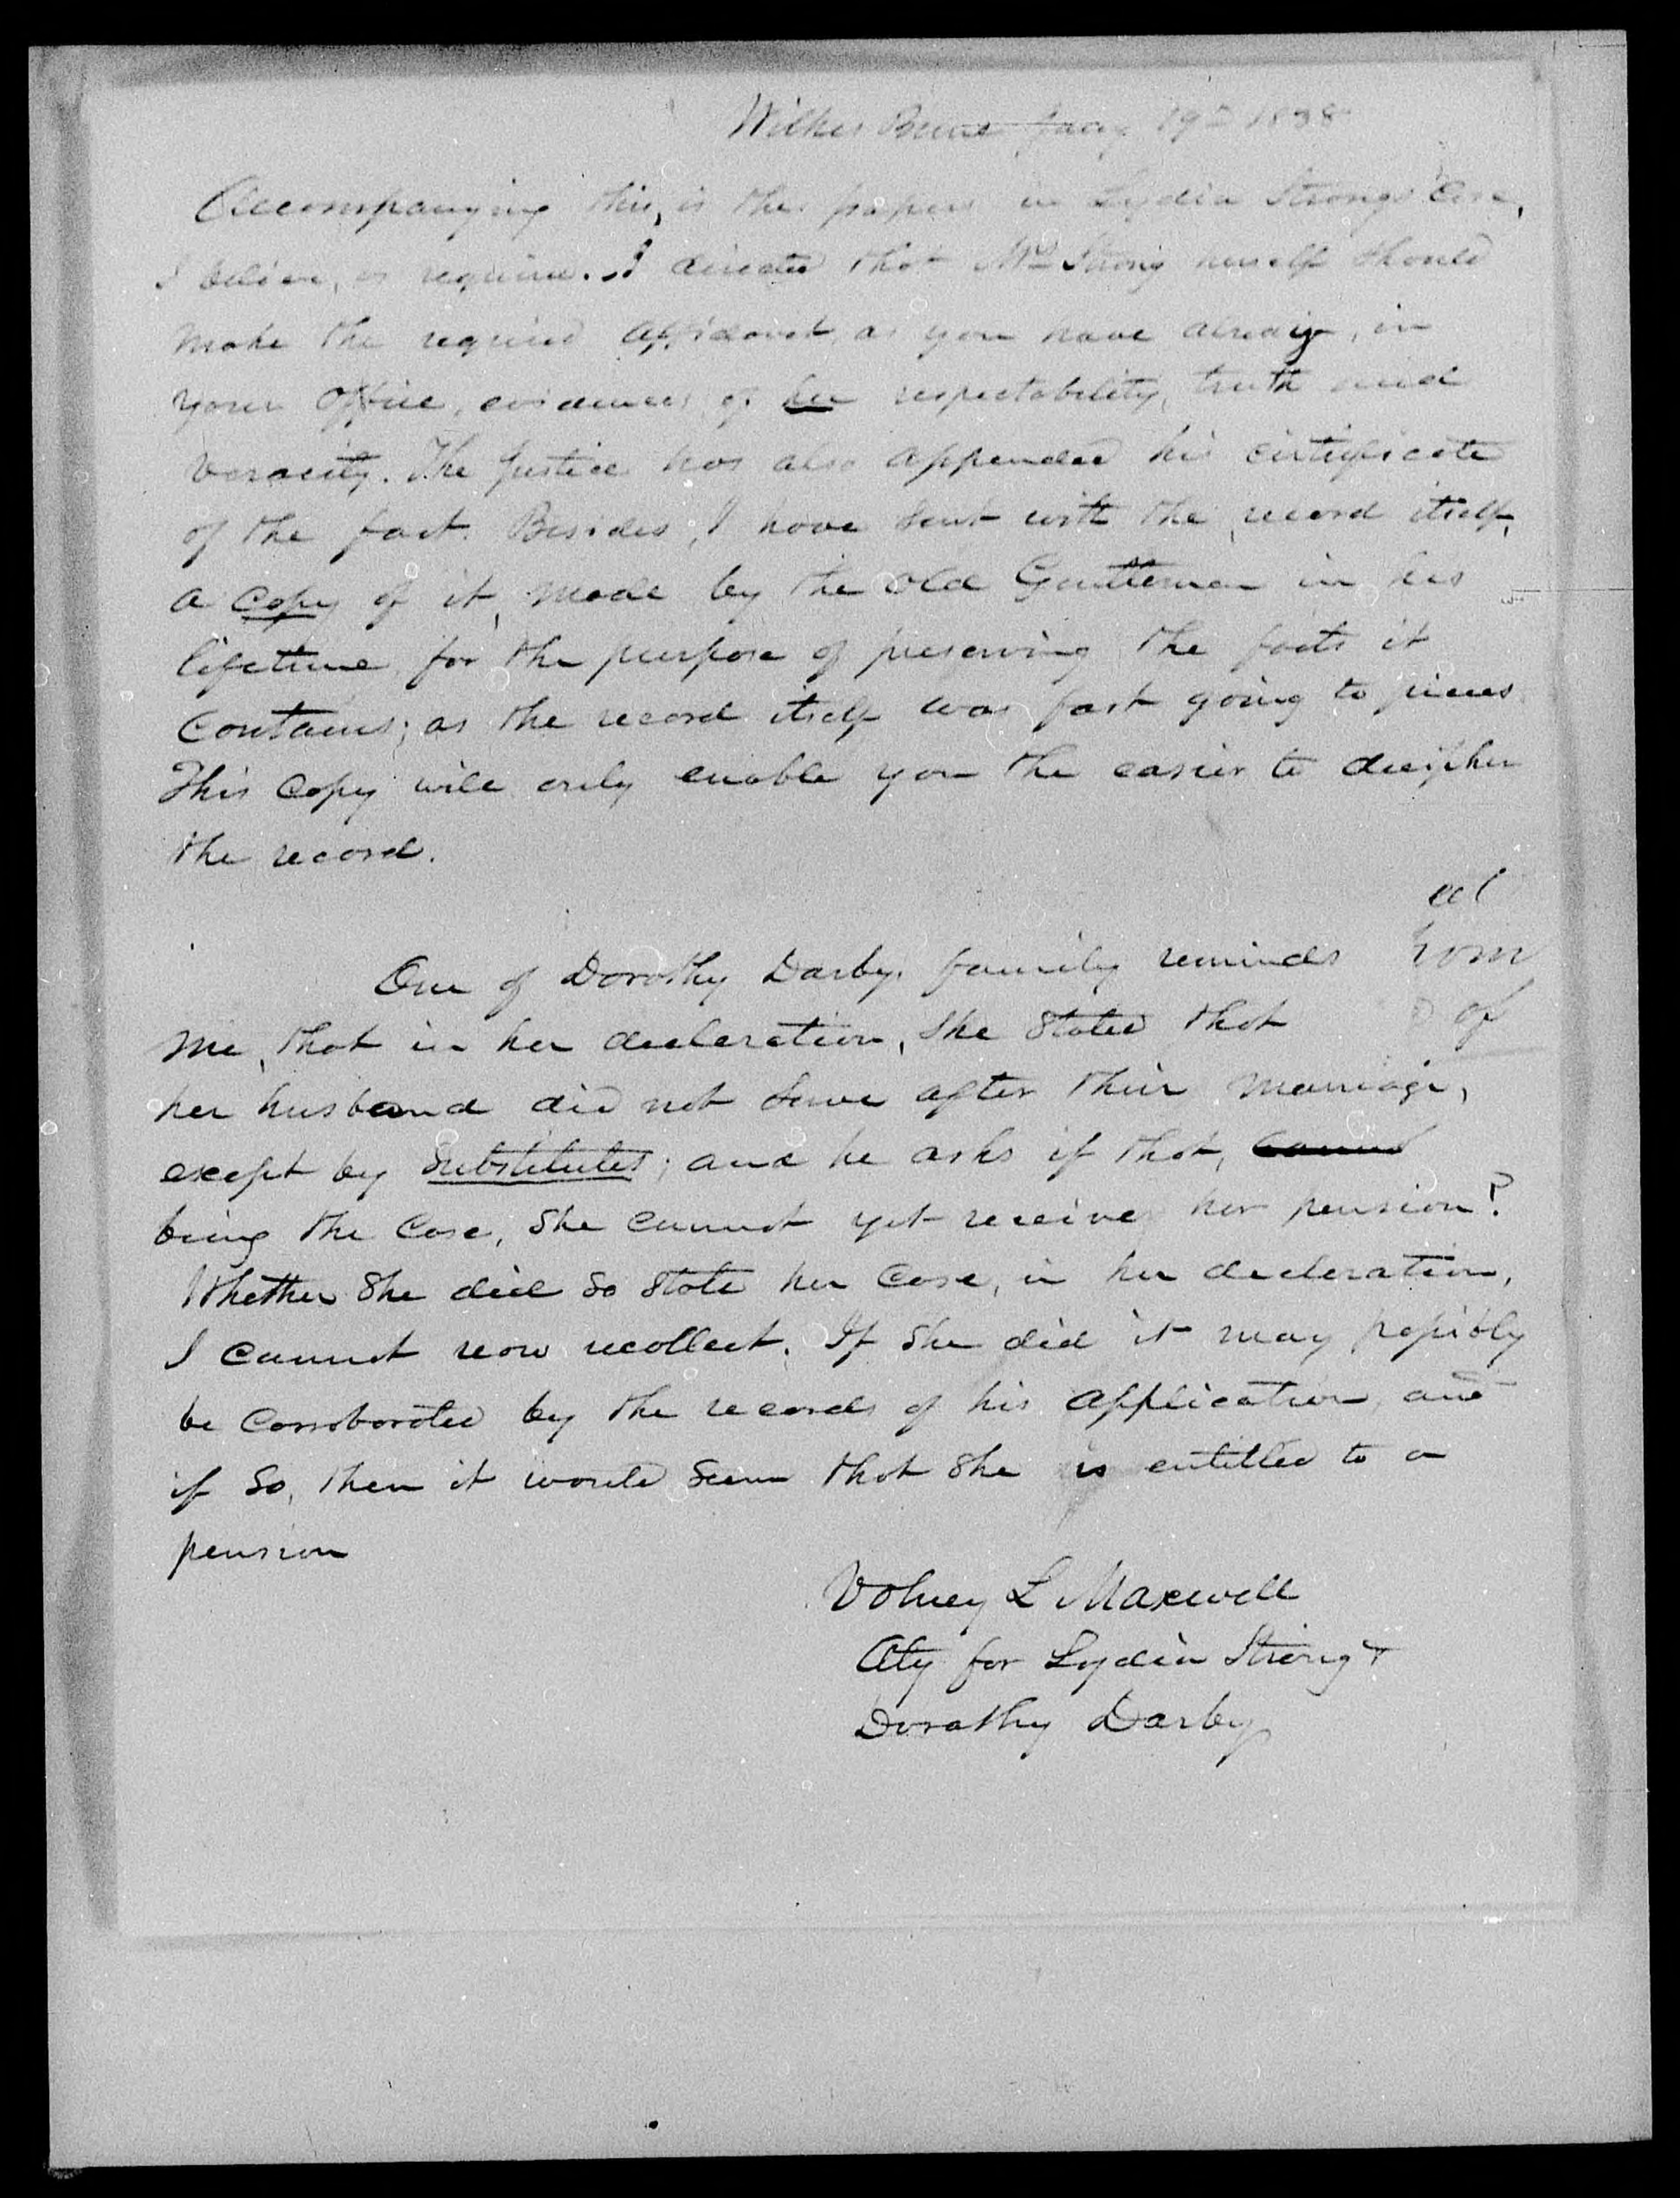Wilkes Barre Jany 19th 1838 
Accompanying this is the papers in Lydia Strongs case, I believe, or require as directed that Mrs. Strong herself should make the required Affidavit as you have already, in your office, evidences of her respectability, truth and veracity. The justice has also appended his certificate of the fact. Besides, I have sent with the record itself, a copy of it, made by the old Gentlemen in his lifetime for the purpose of preserving the facts it contains; as the record itself was fast going to pieces. This Copy will only enable you the easier to decipher the record. 
One of Dorothy Darby family reminds me, that in her declaration she stated that her husband did not serve after their marriage except by substitutes; and he asks if that being the case, she cannot yet receive her pension? 
Whether she did so state her case, in her declaration, I cannot now recollect. If she did it may possibly be corroborated by the records of his application and if so, then it would seem that she is entitled to a pension 
Volney L Maxwell 
Atty for Lydia Strong & Dorothy Darby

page: 25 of 33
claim: widow's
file: W. 4592, for John Strong, New York